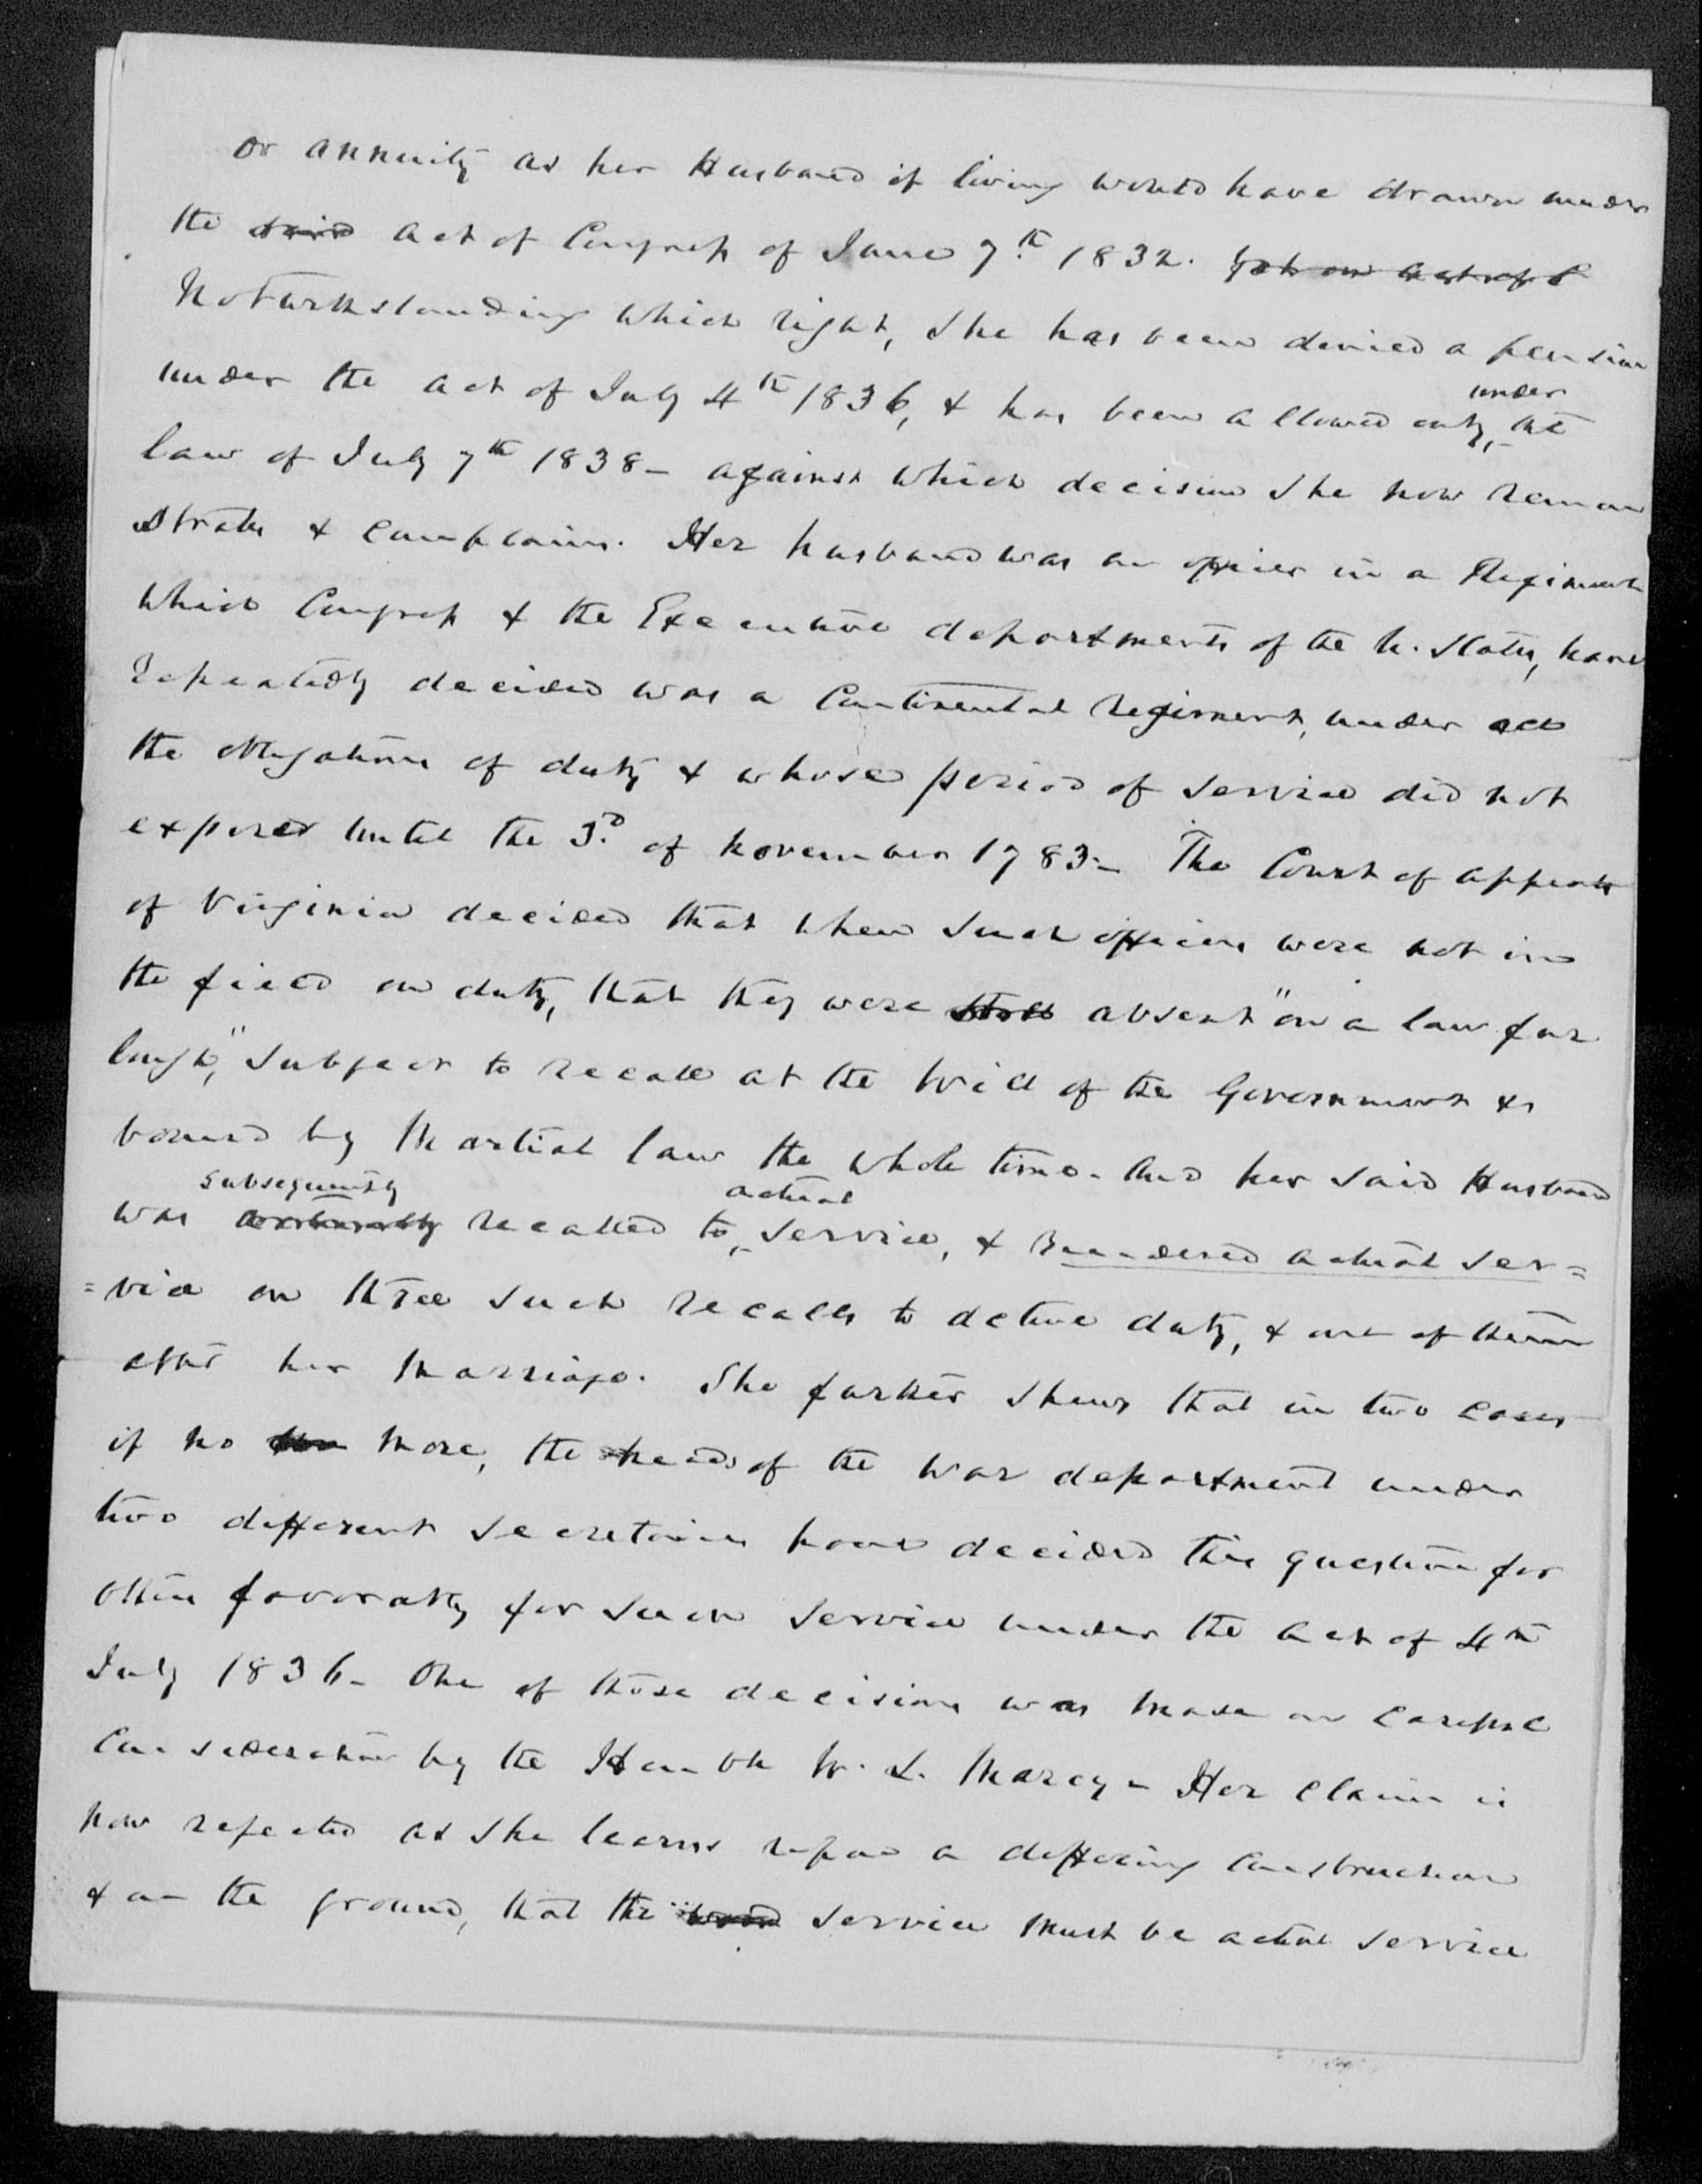or annuity as her Husband if living would have drawn under the Act of Congress of June 7th 1832. Notwithstanding which right, she has been denied a pension under the act of July 4th 1836, & has been allowed only under the law of July 7th 1838 - against which decision she now reman struck & Complains. Her husband was an officer in a Regiment which Congress & the Executive departments of the U. States, have Repeatedly decided was a Continental regiment, under the obligations of duty & whose period of service did not expire until the 3d. of November 1783.- The Court of appeals of Virginia decided that when such officers were not in the field on duty, that they were absent "on a law furlough," Subject to recall at the Will of the Government & bound by Martial Law the whole time - that her said Husband was subsequently recalled to actual service, & rendered actual service on three such recalls to active duty, & one of them after her Marriage. She further shows that in two cases if no more, the heads of the War department under two different secretaries have decided the question for others favorably for Such Service under the Act of 4th July 1836 - One of those decisions was made on Careful Consideration by the Honble W. L. Marcy - Her claim is now rejected as she learns so far a deficiency construction & on the grounds that the service must be actual service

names: W L Marcy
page: 178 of 267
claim: widow's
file: W. 4,149, William Campbell, Va.